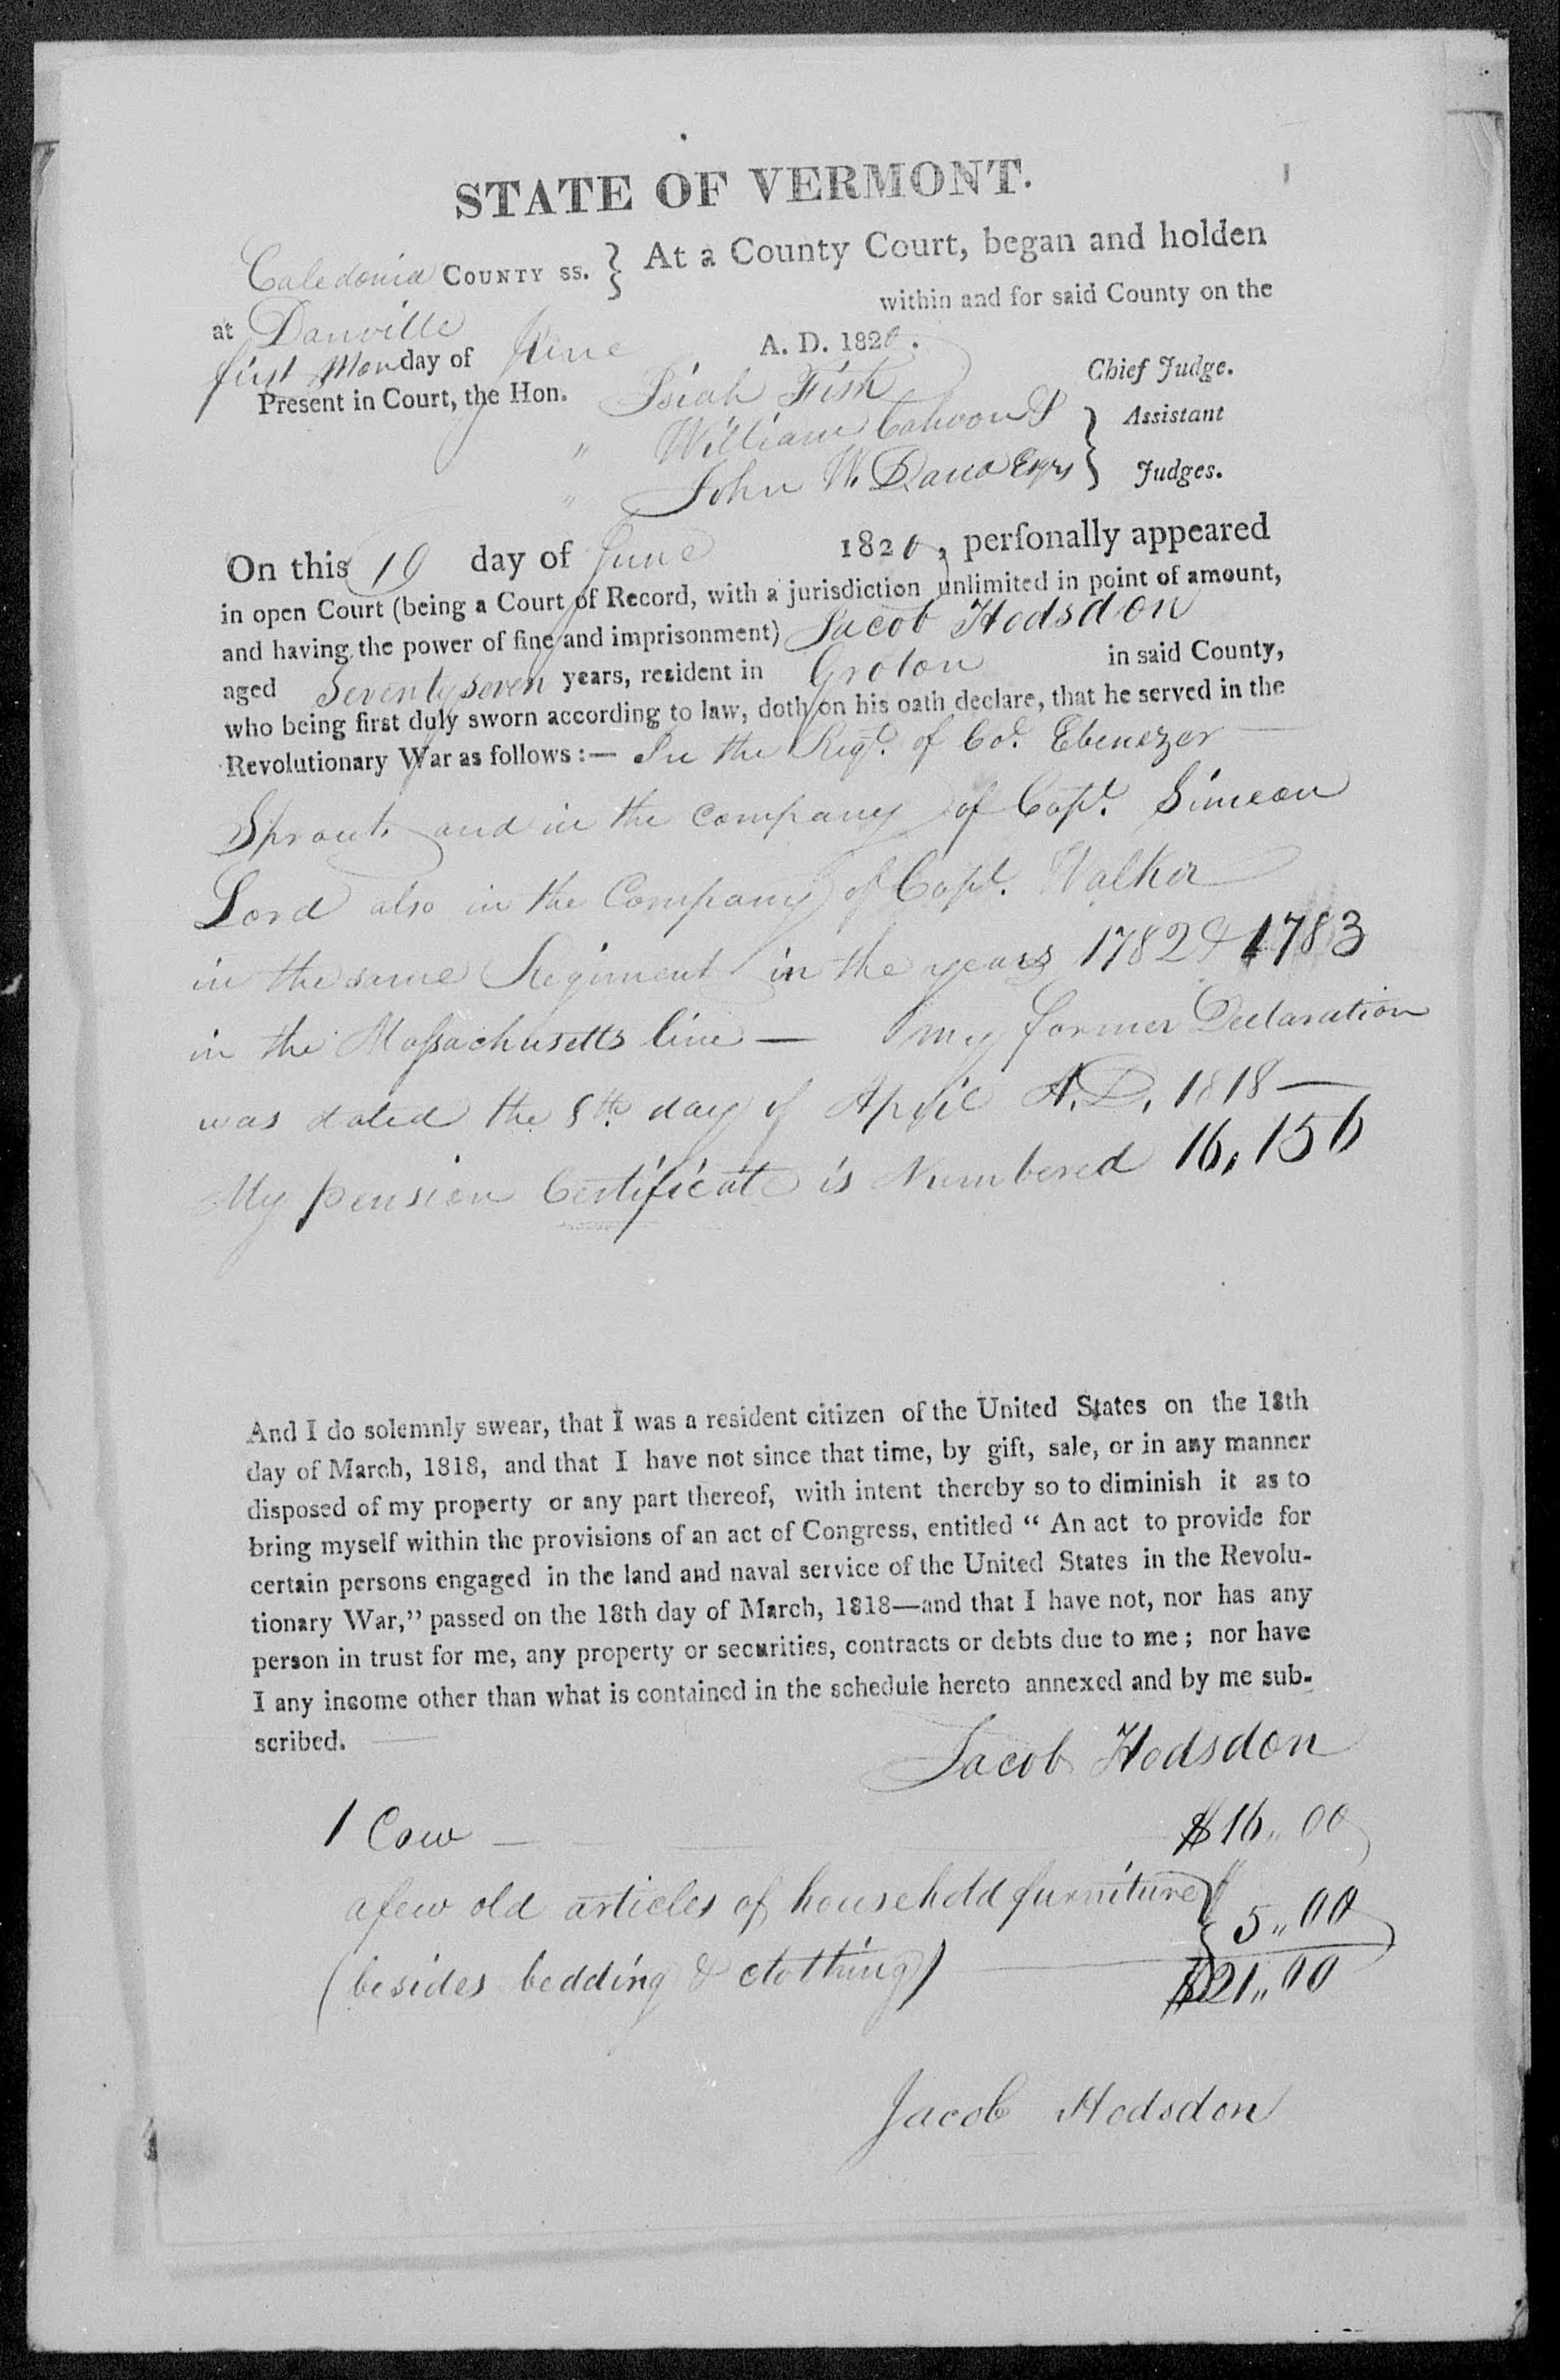STATE OF VERMONT.
Caledonia COUNTY SS.
At a County Court, began and holden at Danville within and for said County on the first Monday of June A.D. 1826.
Present in Court, the Hon. Isaiah Fish Chief Judge
William Cahoon
John W Dana Esq} Assistant Judges.
On this 19th day of June 1826, personally appeared in open Court (being a Court of Record, with a jurisdiction unlimited in point of amount, and having the power of fine and imprisonment) Jacob Hodsdon aged Seventy seven years, resident in Groton in said County, who being first duly sworn according to law, doth on his oath declare, that he served in the Revolutionary War as follows: - In the Regt. of Col. Ebenezer Sprouts and in the company of Capt. Simeon Lord also in the company of Cat. Walker in the same Regiment in the years 1782 &  1783 in the Massachusetts line - my former Declaration was dated the 8th day of April A.D. 1818 - My pension Certificate is Numbered 16,156
And I do solemnly sear, that I was a resident citizen of the United States on the 18th day of March , 1818, and that I have not since that time, by gift, sale, or in any manner disposed of my property or any part thereof, with intent thereby so to diminish it as to bring myself within the provisions of an act of Congress, entitled "An act to provide for certain persons engaged in the land and naval service of the United States in the Revolutionary War," passed on the 18th day of March, 1818 - and that I have not, nor has any person in trust for me, any property or securities, contracts or debts due to me; nor have I any income other than what is contained in the schedule hereto annexed and by me subscribed. 
Jacob Hodsdon
1 Cow - $16.00
a few old articles of household furniture (besides bedding & clothing) - $5.00
$21.00
Jacob Hodsdon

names: Simeon Lord, William Cahoon, Jacob Hodsdon, Jacob Hodsdon, Jacob Hodsdon, John W Dana, Ebenezer Sprouts, Isiah Fish, Walker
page: 6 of 22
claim: survivor's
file: S 44445, Jacob Hodsdon, Mass.